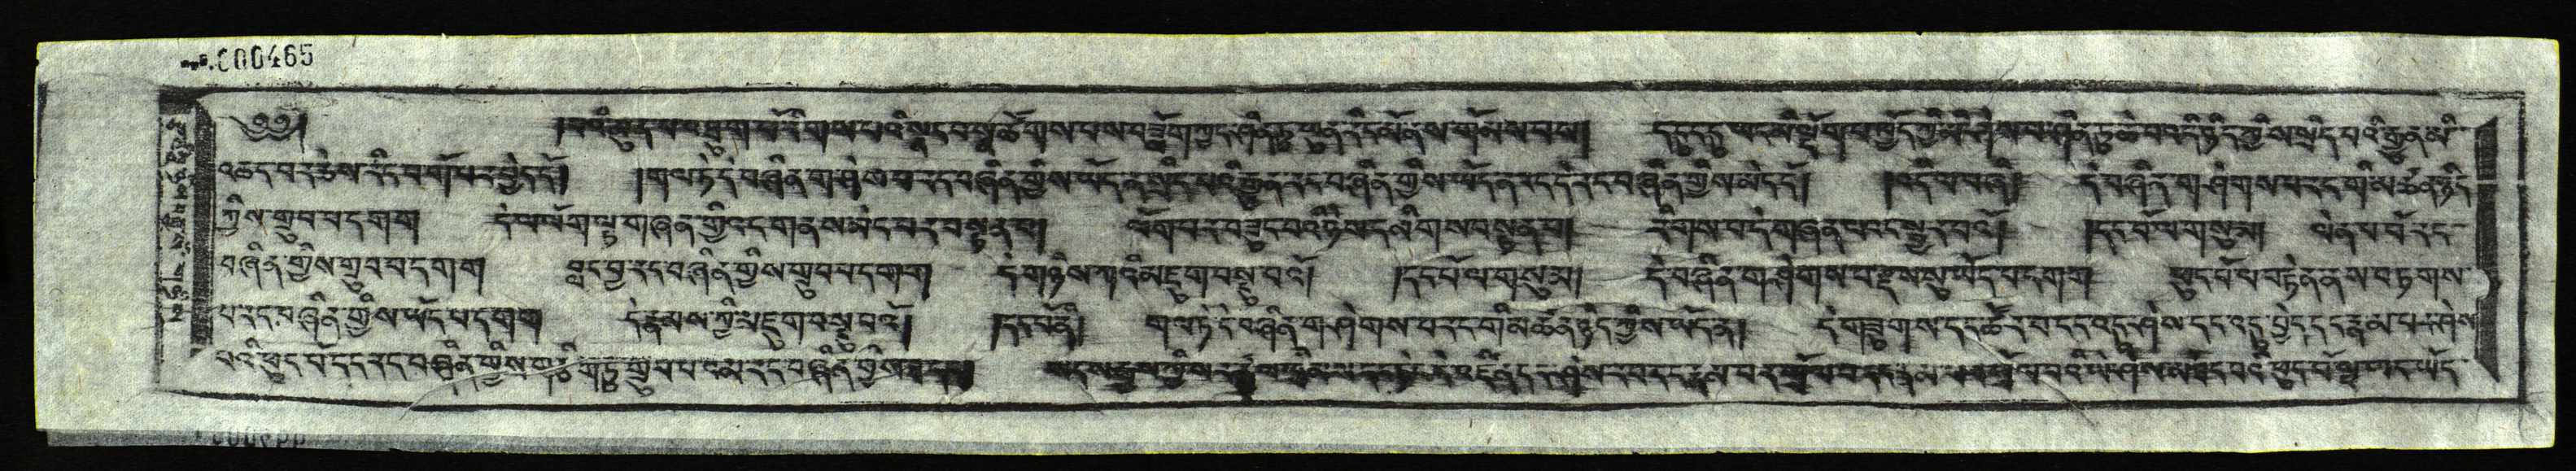༄༅། །པའི་མུན་པ་འཐུག་པོ་རིགས་པའི་སྣང་བ་སྣ་ཚོགས་པས་བཟློག་ཀྱང་ཤིན་ཏུ་ཡུན་རིང་མོ་ནས་གོམས་པས། ད་དུང་དུ་ཡང་མི་ལྡོག་པ་ཁྱོད་ཀྱི་མི་ཤེས་པ་ཤིན་ཏུ་ཆེ་བ་འདི་ཉིད་ཀྱིས་སྲིད་པའི་རྒྱུན་མི་
འཆད་བར་ཆེས་རིང་བ་གོ་བར་བྱེད་དོ། །གལ་ཏེ་དེ་བཞིན་གཤེགས་པ་རང་བཞིན་གྱིས་ཡོད་ན་སྲིད་པའི་རྒྱུན་རང་བཞིན་གྱིས་ཡོད་ན་རང་དེ་རང་བཞིན་གྱིས་མེད་དོ། །འདི་ལ་བཞི། དེ་བཞིན་གཤེགས་པ་རང་གི་མཚན་ཉིད་
ཀྱིས་གྲུབ་པ་དགག་དེ་ལ་ལོག་ལྟ་གཞན་གྱིའང་གནས་མེད་པར་བསྟན་པ། ལོག་པར་བཟུང་བའི་ཉེས་དམིགས་བསྟན་པ། རིགས་པ་དེ་གཞན་ལའང་སྦྱར་བའོ། །དང་པོ་ལ་གསུམ། ལེན་པ་པོ་རང་
བཞིན་གྱིས་གྲུབ་པ་དགག་བླང་བྱ་རང་བཞིན་གྱིས་གྲུབ་པ་དགག་དེ་གཉིས་ཀའི་མཇུག་བསྡུ་བའོ། །དང་པོ་ལ་གསུམ། དེ་བཞིན་གཤེགས་པ་རྫས་སུ་ཡོད་པ་དགག་ཕུང་པོ་ལ་བརྟེན་ནས་བཏགས་
པ་རང་བཞིན་གྱིས་ཡོད་པ་དགག་དེ་རྣམས་ཀྱི་མཇུག་བསྡུ་བའོ། །དང་པོ་ནི། གལ་ཏེ་དེ་བཞིན་གཤེགས་པ་རང་གི་མཚན་ཉིད་ཀྱིས་ཡོད་ན། དེ་གཟུགས་དང་ཚོར་བ་དང་འདུ་ཤེས་དང་འདུ་བྱེད་དང་རྣམ་པར་ཤེས་
པའི་ཕུང་པོ་དང་རང་བཞིན་གྱིས་གཅིག་ཏུ་གྲུབ་པ་འམ་རང་བཞིན་གྱིས་ཐ་དང་། སངས་རྒྱས་ཀྱི་སར་ཚུལ་ཁྲིམས་དང་ཏིང་ངེ་འཛིན་དང་ཤེས་རབ་དང་རྣམ་པར་གྲོལ་བ་དང་རྣམ་པར་གྲོལ་བའི་ཡེ་ཤེས་མཐོང་བའི་ཕུང་པོ་ལྔ་ཡང་ཡོད་